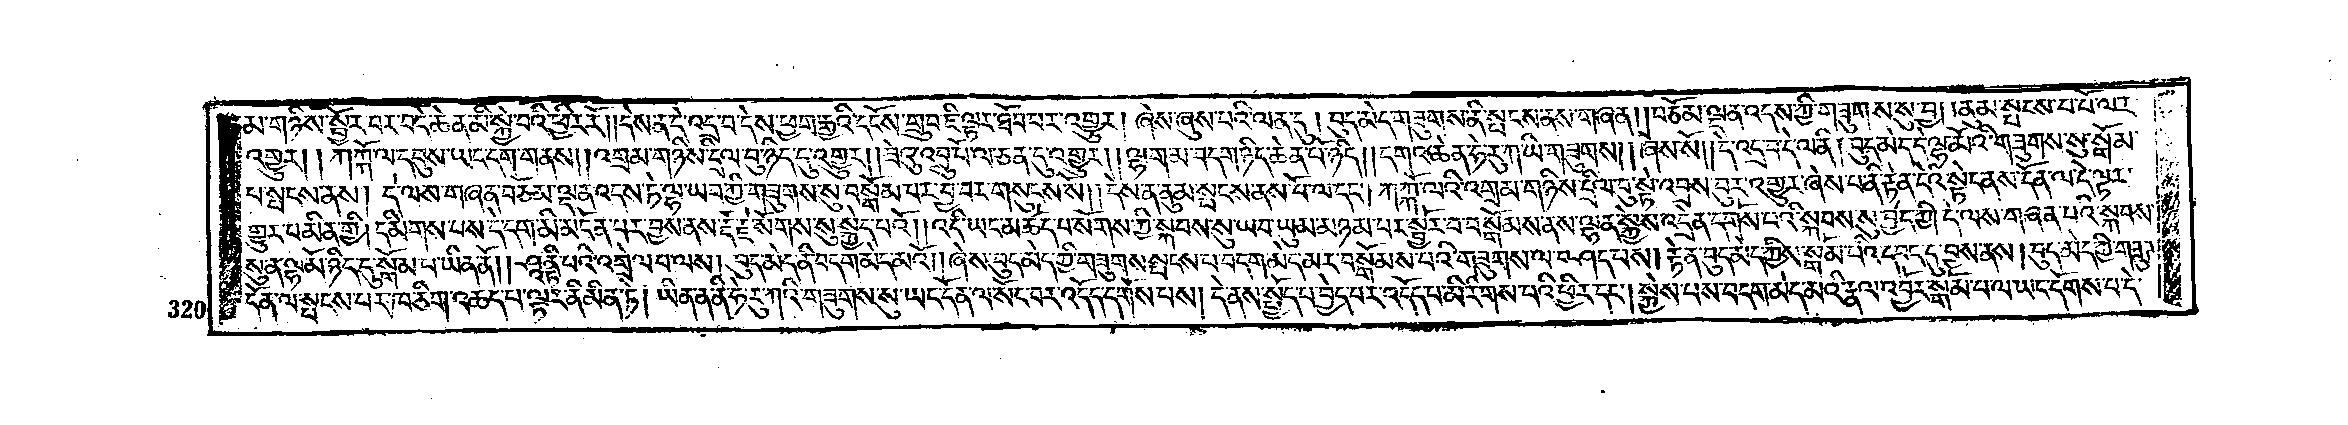མ་གཉིས་སྦྱོར་བར་བདེ་ཆེན་མི་སྐྱེ་བའི་ཕྱིར་རོ། །དེས་ན་དེ་འདྲ་བ་དེས་ཕྱག་རྒྱའི་དངོས་གྲུབ་ཇི་ལྟར་ཐོབ་པར་འགྱུར། ཞེས་ཞུས་པའི་ལན་དུ། བུད་མེད་གཟུགས་ནི་སྤངས་ནས་གཞན། །བཅོམ་ལྡན་འདས་ཀྱི་གཟུགས་སུ་བྱ། །ནུ་མ་སྤངས་པ་པོ་ལར་
འགྱུར། །ཀཀྐོ་ལ་དབུས་ཡང་དག་གནས། །འགྲམ་གཉིས་དྲིལ་བུ་ཉིད་དུ་འགྱུར། །ཟེའུ་འབྲུ་པོ་ལ་ཅན་དུ་འགྱུར། །ལྷག་མ་བདག་ཉིད་ཆེན་པོ་ཉིད། །དགའ་ཆེན་ཧེ་རུ་ཀ་ཡི་གཟུགས། །ཞེས་སོ། །དེ་འདྲ་བ་དེ་ལ་ནི། བུད་མེད་དེ་ལྷ་མོའི་གཟུགས་སུ་སྒོམ་
པ་སྤངས་ནས། དེ་ལས་གཞན་བཅོམ་ལྡན་འདས་ཏེ་ལྷ་ཡབ་ཀྱི་གཟུགས་སུ་བསྒོམ་པར་བྱ་བར་གསུངས་སོ། །དེས་ན་ནུ་མ་སྤངས་ནས་པོ་ལ་དང་། ཀཀྐོ་ལའི་འགྲམ་གཉིས་དྲིལ་བུ་སྟེ་འབྲས་བུར་འགྱུར་ཞེས་པ་ནི་རྟེན་དེའི་སྟེང་ནས་དོན་ལ་དེ་ལྟར་
གྱུར་པ་མིན་གྱི། དམིགས་པས་དེ་དག་མི་མངོན་པར་བྱས་ནས་རྡོ་རྗེ་སོགས་སུ་སྐྱེད་པའོ། །འདི་ཡང་མཆོད་པ་སོགས་ཀྱི་སྐབས་སུ་ཡབ་ཡུམ་མཉམ་པར་སྦྱོར་བ་བསྒོམས་ནས་ལྷན་སྐྱེས་འདྲེན་དགོས་པའི་སྐབས་སུ་བྱེད་ཀྱི། དེ་ལས་གཞན་པའི་སྐབས་
སུ་ནི་ལྷ་མོ་ཉིད་དུ་སྒོམ་པ་ཡིན་ནོ། །ཤཱནྟི་པའི་འགྲེལ་པ་ལས། བུད་མེད་ནི་བདག་མེད་མའོ། །ཞེས་བུད་མེད་ཀྱི་གཟུགས་སྤངས་པ་བདག་མེད་མར་བསྒོམས་པའི་གཟུགས་ལ་བཤད་པས། རྟེན་བུད་མེད་ཀྱིས་སྒོམ་པའི་དབང་དུ་བྱས་ནས། བུད་མེད་ཀྱི་གཟུགས་
དོན་ལ་སྤངས་པར་ཁ་ཅིག་འཆད་པ་ལྟར་ནི་མིན་ཏེ། ཡིན་ན་ནི་ཧེ་རུ་ཀའི་གཟུགས་སུ་ཡང་དོན་ལ་སོང་བར་འདོད་དགོས་པས། དེ་ནས་སྤྱོད་པ་བྱེད་པར་འདོད་པ་མི་རིགས་པའི་ཕྱིར་དང་། སྐྱེས་པས་བདག་མེད་མའི་རྣལ་འབྱོར་སྒོམ་པ་ལ་ཡང་དོགས་པ་དེ་